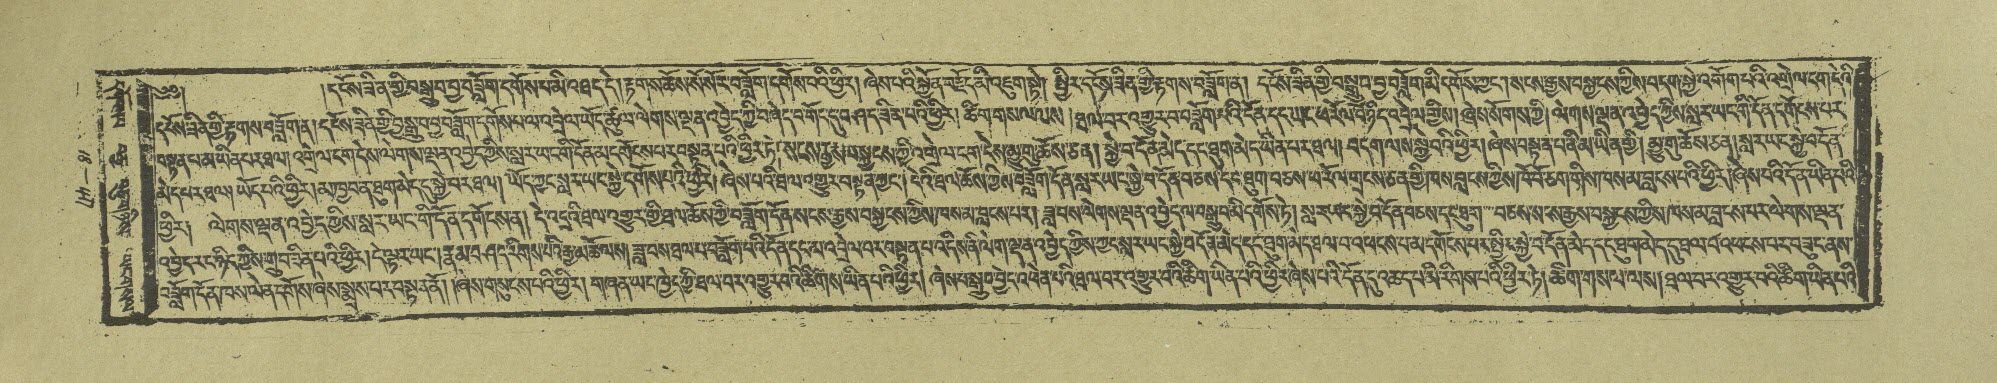༄༅། །དངོས་ཟིན་གྱི་བསྒྲུབ་བྱ་བཟློག་དགོས་པ་མི་འཐད་དེ། རྟགས་ཆོས་སོ་སོར་བཟློག་དགོས་པའི་ཕྱིར། ཞེས་པའི་སྐྱོན་བརྗོད་མི་འཇུག་སྟེ། སྤྱིར་དངོས་ཟིན་གྱི་རྟགས་བཟློག་ན། དངོས་ཟིན་གྱི་བསྒྲུབ་བྱ་བཟློག་མི་དགོས་ཀྱང་། སངས་རྒྱས་བསྐྱངས་ཀྱིས་བདག་སྐྱེ་འགོག་པའི་འགྲེལ་དག་དེའི་
དངོས་ཟིན་གྱི་རྟགས་བཟློག་ན། དངོས་ཟིན་གྱི་བསྒྲུབ་བྱ་བཟློག་དགོས་པ་ལ་འབྲེལ་ཡོད་ཚུལ་ལེགས་ལྡན་འབྱེད་ཀྱི་བཞེད་བ་གོང་དུ་བཤད་ཟིན་པའི་ཕྱིར། ཚིག་གསལ་ལས། ཐལ་བར་འགྱུར་བ་བཟློག་པའི་དོན་དང་ཡང་ཕ་རོལ་པོ་ཉིད་འབྲེལ་གྱིས། ཞེས་སོགས་ཀྱི། ལེགས་ལྡན་འབྱེད་ཀྱིས་སླར་ཡང་གི་དོན་དགོངས་པར་
བསྟན་པ་མ་ཡིན་པར་ཐལ། འགྲེལ་ངག་དེས་ལེགས་ལྡན་འབྱེད་ཀྱིས་སླར་ཡང་གི་དོན་མ་དགོངས་པར་བསྟན་པའི་ཕྱིར་ཏེ། སངས་རྒྱས་བསྐྱངས་ཀྱི་འགྲེལ་ངག་དེས་མྱུ་གུ་ཆོས་ཅན། སྐྱེ་བ་དོན་མེད་དང་ཐུག་མེད་ཡིན་པར་ཐལ། བདག་ལས་སྐྱེ་བའི་ཕྱིར། ཞེས་བསྟན་པ་ནི་མ་ཡིན་གྱི། མྱུ་གུ་ཆོས་ཅན། སླར་ཡང་སྐྱེ་བ་དོན་
མེད་པར་ཐལ། ཡོད་པའི་ཕྱིར། མ་ཁྱབ་ན་ཐུག་མེད་དུ་སྐྱེ་བར་ཐལ། ཡོད་ཀྱང་སླར་ཡང་སྐྱེ་དགོས་པའི་ཕྱིར། ཞེས་པའི་ཐལ་འགྱུར་བསྟན་ཀྱང་། དེའི་ཐལ་ཆོས་ཀྱིས་བཟློག་དོན་སླར་ཡང་སྐྱེ་བ་དོན་བཅས་དང་ཐུག་བཅས་ཕ་རོལ་གྲངས་ཅན་གྱི་ཁས་བླངས་ཀྱིས་ཁོ་བོ་ཅག་གིས་ཁས་མ་བླངས་པའི་ཕྱིར། ཞེས་པའི་དོན་ཡིན་པའི་
ཕྱིར། ལེགས་ལྡན་འབྱེད་ཀྱིས་སླར་ཡང་གི་དོན་དགོངས་ན། དེ་འདྲའི་ཐལ་འགྱུར་གྱི་ཐལ་ཆོས་ཀྱི་བཟློག་དོན་སངས་རྒྱས་བསྐྱངས་ཀྱིས་ཁས་མ་བླངས་པར། ཟླ་བས་ལེགས་ལྡན་འབྱེད་ལ་བསྒྲུབ་མི་དགོས་ཏེ། སླར་ཡང་སྐྱེ་བ་དོན་བཅས་དང་ཐུག་བཅས་སངས་རྒྱས་བསྐྱངས་ཀྱི་ཁས་མ་བླངས་པར་ལེགས་ལྡན་
འབྱེད་རང་ཉིད་ཀྱིས་གྲུབ་ཟིན་པའི་ཕྱིར། དེ་ལྟར་ཡང་། རྣམ་བཤད་རིགས་པའི་རྒྱ་མཚོ་ལས། ཟླ་བས་ཐལ་པ་བཟློག་པའི་དོན་དང་མ་འབྲེལ་བར་བསྟན་པ་འདིས་ནི་ལེགས་ལྡན་འབྱེད་ཀྱིས་ཀྱང་སླར་ཡང་སྐྱེ་བ་དོན་མེད་དང་ཐུག་མེད་ཐལ་བ་འཕངས་པ་མ་དགོངས་པར་སྤྱིར་སྐྱེ་བ་དོན་མེད་དང་ཐུག་མེད་དུ་ཐལ་བ་འཕངས་པར་བཟུང་ནས་
བཟློག་དོན་ཁས་ལེན་དགོས་ཞེས་སྨྲས་པར་བསྟན་ནོ། །ཞེས་གསུངས་པའི་ཕྱིར། གཞན་ཡང་ཁྱེད་ཀྱི་ཐལ་བར་འགྱུར་བའི་ཚིགས་ཡིན་པའི་ཕྱིར། ཞེས་བསྒྲུབ་བྱེད་འཕེན་པའི་ཐལ་བར་འགྱུར་བའི་ཚིག་ཡིན་པའི་ཕྱིར་ཞེས་པའི་དོན་དུ་འཆད་པ་མི་རིགས་པའི་ཕྱིར་ཏེ། ཚིག་གསལ་ལས། ཐལ་བར་འགྱུར་བའི་ཚིག་ཡིན་པའི་